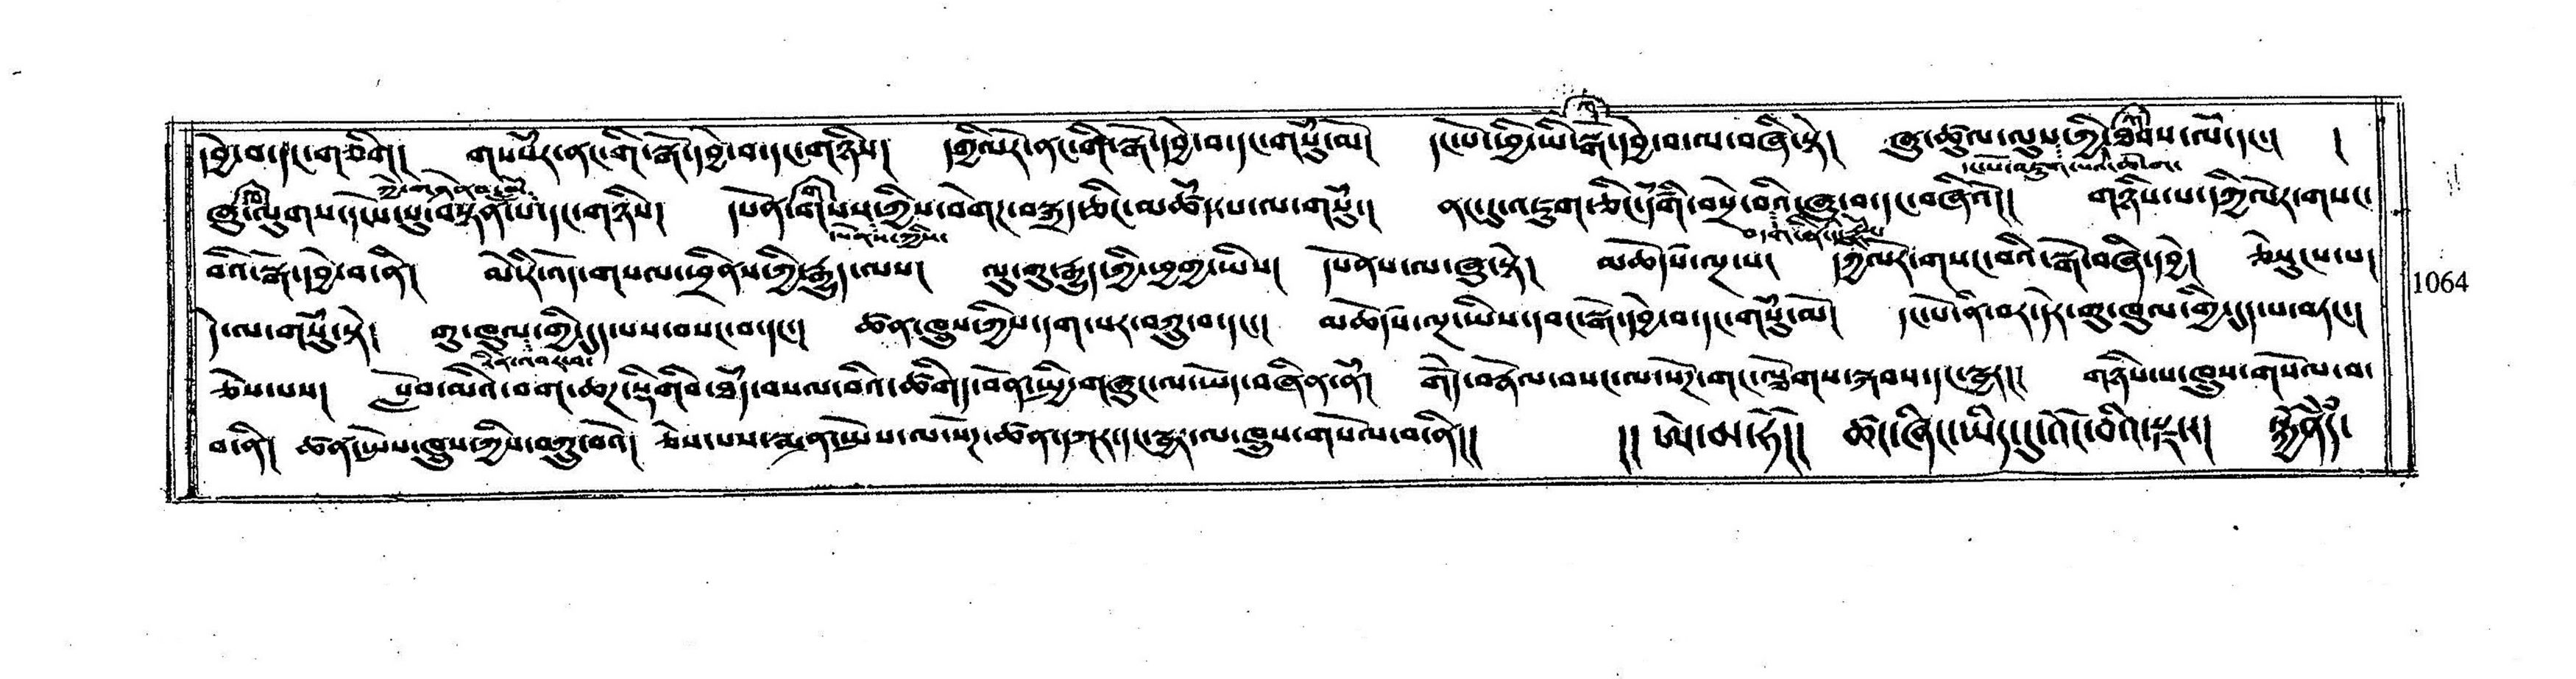དབྱེ་བ་དང་གཅིག གསས་མཁར་ནང་གི་སྒོ་དབྱེ་བ་དང་གཉིས། དཀྱིལ་འཁོར་ནང་གི་སྒོ་དབྱེ་བ་དང་གསུམ་མོ། དང་པོ་ཕྱི་ཡི་༼ཁ༽སྒོ་དབྱེ་བ་ལ་བཞི་སྟེ། ཞུ་ཚུལ་ལུས་༼དང་པོ་འཇུག་པའི་ཆོ་ག་༽ཀྱི་༼ཀ༽ཐབས་ལམ་དང་། 
༼ཁ༽ཞུ་ལུགས་དངོས་སུ་བསྟན་པ་༼ཀྱེ་གཤེན་རབ་བླ་མ་༽དང་གཉིས། ༼ག༽དཔོན་གསས་དཔོན་གསས་ཀྱིས་ཀྱིས་བགེགས་བསྐྲད་ཅིང་མཚམས་བཅད་པ་ལ་གསུམ། ནང་དུ་འཇུག་ཅིང་དམ་ཚིག་བསྲེ་བའི་༼བདག་ནི་དེ་རྣམས་༽ཞུ་བ་དང་བཞིའོ།། གཉིས་པ་དཀྱིལ་འཁོར་གསང་
བའི་སྒོ་དབྱེ་བ་ནི། མེ་རི་འོད་གསལ་ཕྲིན་ལས་ཀྱི་རྒྱུད་ལས། ལུ་གུ་རྒྱུད་ཀྱི་ཕྱག་རྒྱ་ཡིས། དཔོན་གསས་ལ་ཞུ་སྟེ། མཆོད་རྫས་ལྔ་པ། དཀྱིལ་འཁོར་གསང་བའི་སྒོ་བཞི་དབྱེ། ཅེས་གསུངས་པ། 
དེ་ལ་གསུམ་སྟེ། གུ་ཁུལ་རིན་འབར་བ་གྱི་དུད་པས་བསང་བ་དང་། ཚན་ཁྲུས་ཀྱིས་དག་པར་བཀྲུ་བ་དང་། མཆོད་རྫས་ལྔ་ཡིས་དབང་སྒོ་དབྱེ་བ་དང་གསུམ་མོ། དང་པོ་ནི་བར་དེར་གུ་ཁུལ་གྱི་དུད་པ་བཏང་། 
ཅེས་པས། སློབ་མའི་བག་ཆགས་སྡིག་སྒྲིབ་ཐམས་ཅད་བསལ་བའི་ཚིག་བཤད་བོན་སྤྱི་གཞུང་ལ་ཡོད་བཞིན་ནམ། གེ་ཁོད་བསྣོལ་བསང་ལ་སོགས་གང་ལྕོགས་སྐབས་དང་སྦྱར།། གཉིས་པ་ཁྲུས་གསོལ་བ་
བ་ནི། ཚན་སྤོས་ཁྲུས་ཀྱིས་བཀྲུ་བའོ། ཅེས་པས་སྨན་སྤོས་ལ་སོགས་ཚན་དཀར་དང་སྦྱར་ལ་ཁྲུས་གསོལ་བ་ནི།། །།ཨེ་མ་ཧོ།། ཚང་ཞིང་ཡིད་དུ་འོང་བའི་རྫས། སྐྱོན་མེད་